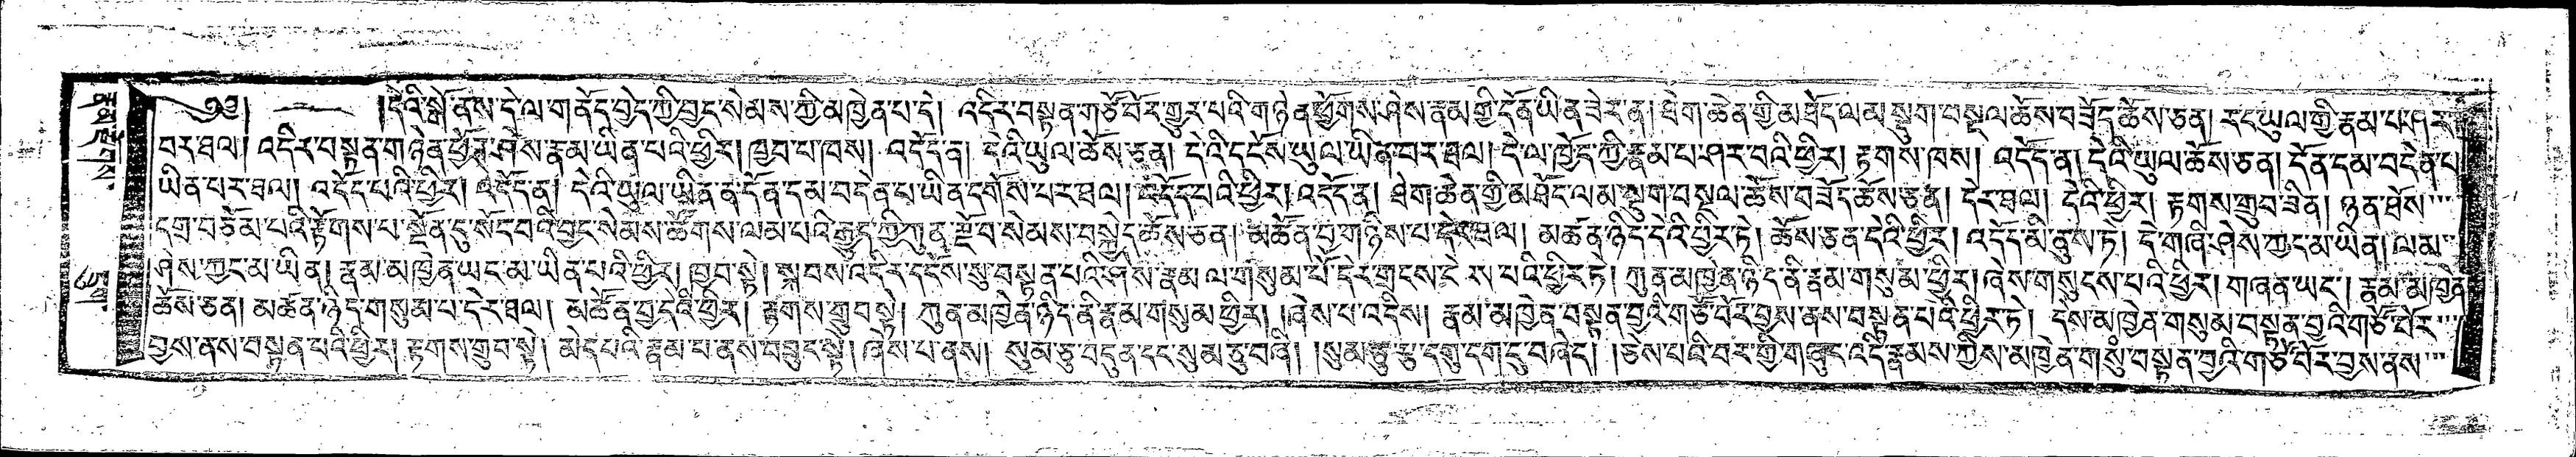༄༅། །དེའི་སྒོ་ནས་དེ་ལ་གནོད་བྱེད་ཀྱི་བྱང་སེམས་ཀྱི་མཁྱེན་པ་དེ། འདིར་བསྟན་གཙོ་བོར་གྱུར་པའི་གཉེན་ཕྱོགས་ཤེས་རྣམ་གྱི་དོན་ཡིན་ཟེར་ན། ཐེག་ཆེན་གྱི་མཐོང་ལམ་སྡུག་བསྔལ་ཆོས་བཟོད་ཆོས་ཅན། རང་ཡུལ་གྱི་རྣམ་པ་ཤར་
བར་ཐལ། འདིར་བསྟན་གཉེན་ཕྱོགས་ཤེས་རྣམ་ཡིན་པའི་ཕྱིར། ཁྱབ་པ་ཁས། འདོད་ན། དེའི་ཡུལ་ཆོས་ཅན། དེའི་དངོས་ཡུལ་ཡིན་པར་ཐལ། དེ་ལ་ཁྱོད་ཀྱི་རྣམ་པ་ཤར་པའི་ཕྱིར། རྟགས་ཁས། འདོད་ན། དེའི་ཡུལ་ཆོས་ཅན། དོན་དམ་བདེན་པ་
ཡིན་པར་ཐལ། འདོད་པའི་ཕྱིར། འདོད་ན། དེའི་ཡུལ་ཡིན་ན་དོན་དམ་བདེན་པ་ཡིན་དགོས་པར་ཐལ། འདོད་པའི་ཕྱིར། འདོད་ན། ཐེག་ཆེན་གྱི་མཐོང་ལམ་སྡུག་བསྔལ་ཆོས་བཟོད་ཆོས་ཅན། དེར་ཐལ། དེའི་ཕྱིར། རྟགས་གྲུབ་ཟིན། ཉན་ཐོས་
དགྲ་བཅོམ་པའི་རྟོགས་པ་སྔོན་དུ་སོང་བའི་བྱང་སེམས་ཚོགས་ལམ་པའི་རྒྱུད་ཀྱི་ཀུན་རྫོབ་སེམས་བསྐྱེད་ཆོས་ཅན། མཚོན་བྱ་གཉིས་པ་དེར་ཐལ། མཚན་ཉིད་དེའི་ཕྱིར་ཏེ། ཆོས་ཅན་དེའི་ཕྱིར། འདོད་མི་ནུས་ཏེ། དེ་གཞི་ཤེས་ཀྱང་མ་ཡིན། ལམ་
ཤེས་ཀྱང་མ་ཡིན། རྣམ་མཁྱེན་ཡང་མ་ཡིན་པའི་ཕྱིར། ཁྱབ་སྟེ། སྐབས་འདིར་དངོས་སུ་བསྟན་པའི་ཤེས་རྣམ་ལ་གསུམ་པོ་དེར་གྲངས་ངེས་པའི་ཕྱིར་ཏེ། ཀུན་མཁྱེན་ཉིད་ནི་རྣམ་གསུམ་ཕྱིར། ཞེས་གསུངས་པའི་ཕྱིར། གཞན་ཡང་། རྣམ་མཁྱེན་
ཆོས་ཅན། མཚན་ཉིད་གསུམ་པ་དེར་ཐལ། མཚོན་བྱ་དེའི་ཕྱིར། རྟགས་གྲུབ་སྟེ། ཀུན་མཁྱེན་ཉིད་ནི་རྣམ་གསུམ་ཕྱིར། །ཞེས་པ་འདིས། རྣམ་མཁྱེན་བསྟན་བྱའི་གཙོ་བོར་བྱས་ནས་བསྟན་པའི་ཕྱིར་ཏེ། དེས་མཁྱེན་གསུམ་བསྟན་བྱའི་གཙོ་བོར་
བྱས་ནས་བསྟན་པའི་ཕྱིར། རྟགས་གྲུབ་སྟེ། མེད་པའི་རྣམ་པ་ནས་བཟུང་སྟེ། ཞེས་པ་ནས། སུམ་ཅུ་བདུན་དང་སུམ་ཅུ་བཞི། །སུམ་ཅུ་རྩ་དགུ་དག་དུ་བཞེད། །ཅེས་པའི་བར་གྱི་གཞུང་འདི་རྣམས་ཀྱིས་མཁྱེན་གསུམ་བསྟན་བྱའི་གཙོ་བོར་བྱས་ནས་